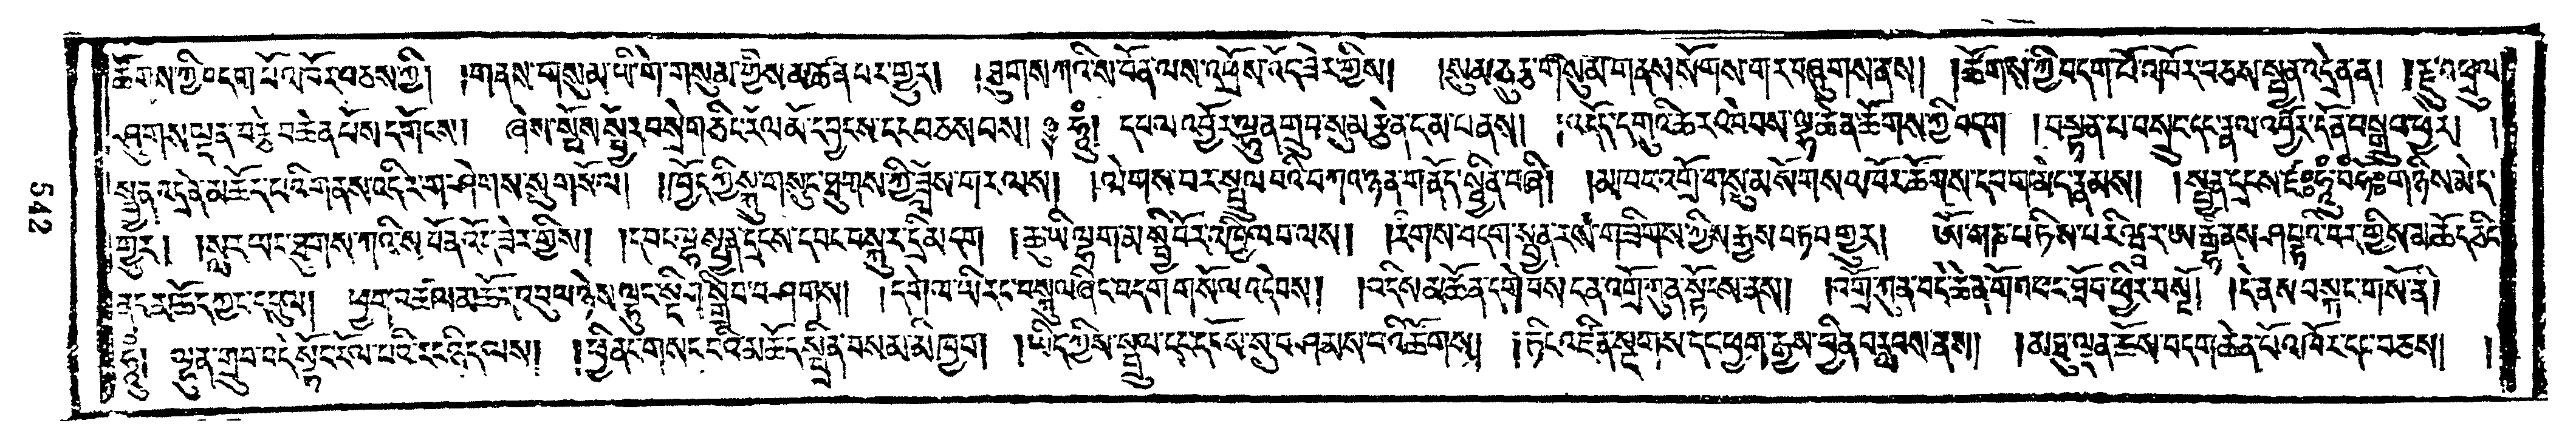ཚོགས་ཀྱི་བདག་པོ་འཁོར་བཅས་ཀྱི། །གནས་གསུམ་ཡི་གེ་གསུམ་གྱིས་མཚན་པར་གྱུར། །ཐུགས་ཀའི་ས་བོན་ལས་འཕྲོས་འོད་ཟེར་གྱིས། །སུམ་ཅུ་རྩ་གསུམ་གནས་སོགས་གར་བཞུགས་ནས། །ཚོགས་ཀྱི་བདག་པོ་འཁོར་བཅས་སྤྱན་འདྲེན་ན། །རྫུ་འཕྲུལ་
ཤུགས་ལྡན་བརྩེ་བ་ཆེན་པོས་དགོངས། ཞེས་སྤོས་སྦྱོར་བསྲེག་ཅིང་རོལ་མོ་དབྱངས་དང་བཅས་བས། ༈ ཧཱུཾ། དཔལ་འབྱོར་ལྷུན་གྲུབ་སུམ་རྩེན་ད་མ་པ་ནས། །འདོད་དགུའི་ཆར་འབེབས་ལྷ་ཆེན་ཚོགས་ཀྱི་བདག །བསྟན་པ་བསྲུང་དང་རྣལ་འབྱོར་དོན་བསྒྲུབ་ཕྱིར། །
སྤྱན་འདྲེན་མཆོད་པའི་གནས་འདིར་གཤེགས་སུ་གསོལ། །ཁྱོད་ཀྱི་སྐུ་གསུང་ཐུགས་ཀྱི་ཟློས་གར་ལས། །ལེགས་བར་སྤྲུལ་བའི་བཀའ་ཉན་གནོད་སྦྱིན་བཞི། །མཁའ་འགྲོ་གསུམ་སོགས་འཁོར་ཚོགས་དཔག་མེད་རྣམས། །སྤྱན་དྲངས་ཛཿཧཱུཾ་བཾ་ཧོཿགཉིས་མེད་
གྱུར། །སླར་ཡང་ཐུགས་ཀའི་ས་བོན་འོད་ཟེར་གྱིས། །དབང་ལྷ་སྤྱན་དྲངས་དབང་བསྐུར་དྲི་མ་དག །ཆུ་ཡི་ལྷག་མ་སྤྱི་བོར་འཁྱིལ་བ་ལས། །རིགས་བདག་སྤྱན་རས་གཟིགས་ཀྱིས་རྒྱས་བཏབ་གྱུར། ཨོཾ་གཎ་པཏི་ས་པ་རི་ཝཱ་ར་ཨརྒྷཾ་ནས་ཤཔྟའི་བར་གྱིས་མཆོད་ཅིང་
ནང་མཆོད་ཀྱང་དངུལ། ཕྱག་འཚལ་མཆོད་འབུལ་ཉེས་ལྟུང་སྡིག་སྒྲིབ་བཤགས། །དགེ་ལ་ཡི་རང་བསྐུལ་ཞིང་བདག་གསོལ་འདེབས། །འདིས་མཚོན་དགེ་བས་ངན་འགྲོ་ཀུན་སྟོངས་ནས། །འགྲོ་ཀུན་བདེ་ཆེན་གོ་འཕང་ཐོབ་ཕྱིར་བསྔོ། །དེ་ནས་བསྐང་གསོ་ནི།
ཧཱུཾ། ལྷུན་གྲུབ་བདེ་སྟོང་རོལ་པའི་རང་ཉིད་ལས། །ཕྱི་ནང་གསང་བའི་མཆོད་སྤྲིན་བསམ་མི་ཁྱབ། །ཡིད་ཀྱིས་སྦྲུལ་དང་དངོས་སུ་བཤམས་པའི་ཚོགས། །ཏིང་འཛིན་སྔགས་དང་ཕྱག་རྒྱས་བྱིན་བརླབས་ནས། །མཐུ་ལྡན་ཆོས་བདག་ཆེན་པོ་འཁོར་དང་བཅས། །